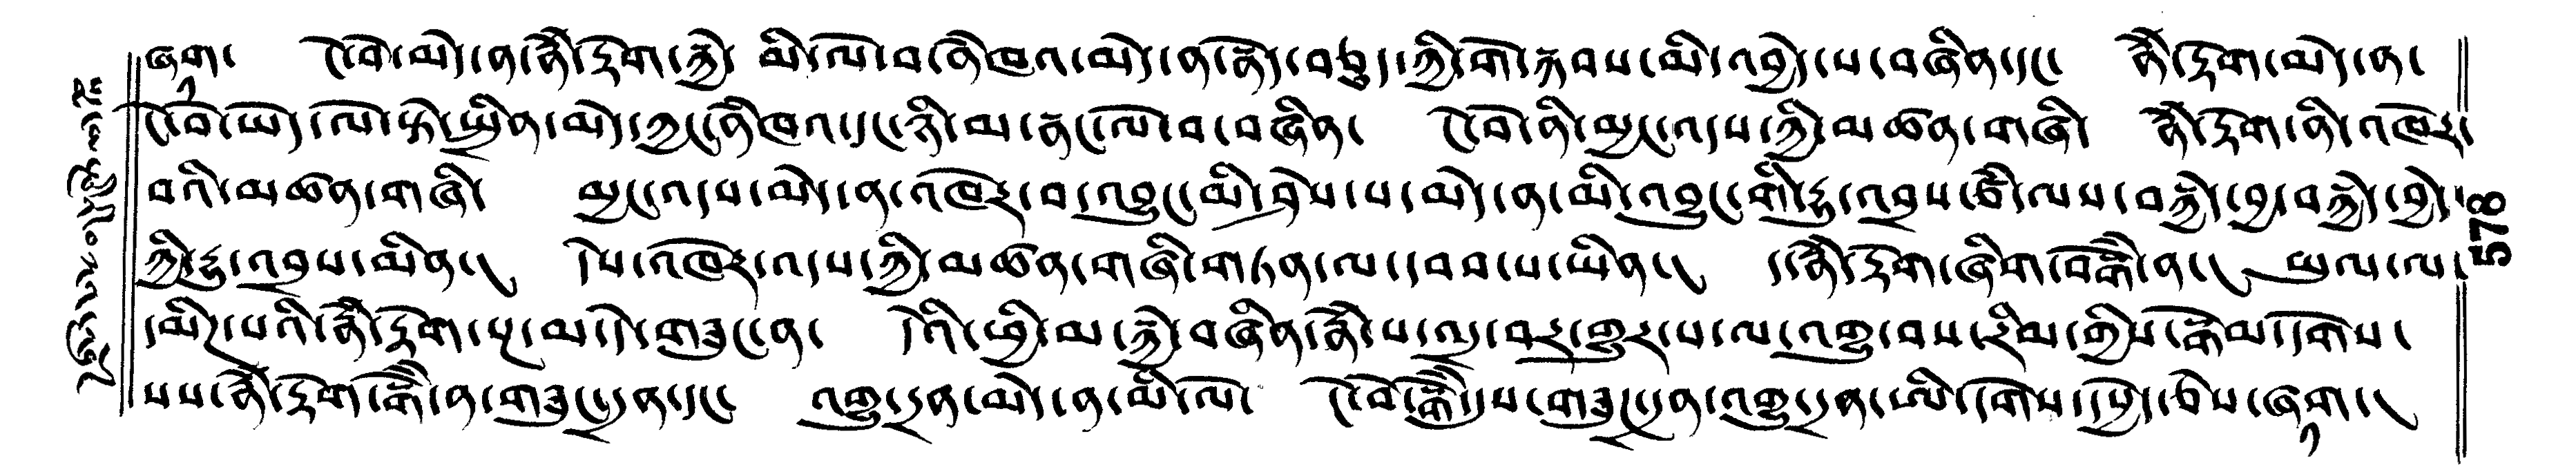ཞག་གཅིག ངོ་བོ་མེད་ན་རྣམ་རྟོག་སྐྱེ་མི་ལོ་བ་ནམ་མཁའ་མེད་ན་སྣོད་བཅུད་ཀྱི་གོ་སྐབས་མི་འབྱེད་པ་བཞིན་དང་། རྣམ་རྟོག་མེད་ན་
ངོ་བོ་ཡོད་ལོ་སྟེ་སྤྲིན་མེད་ཀྱང་ནམ་མཁའ་དང་ཉི་མ་སྣང་ལོ་བ་བཞིན། ངོ་བོ་ནི་མྱང་འདས་ཀྱི་མཚན་གཞི། རྣམ་རྟོག་ནི་འཁོར་
བའི་མཚན་གཞི། མྱང་འདས་མེད་ན་འཁོར་བ་འབྱུང་མི་ཤེས་པ་མེད་ན་མི་འབྱུང་གི་རྒྱུ་འབྲས་ཙམ་ལས་བསྐྱེད་བྱ་སྐྱེད་བྱེད་
ཀྱི་རྒྱུ་འབྲས་མིན། དེས་འཁོར་འདས་ཀྱི་མཚན་གཞི་གཏན་ལ་དབབ་པ་ཡིན། ད་རྣམ་རྟོག་ཞིག་བསྒོམ་ན། ཡུལ་ལ་
དམིགས་པའི་རྣམ་རྟོག་སྔ་མ་དེ་གཟུང་ན། དེའི་ཕྱི་མ་སྐྱེ་བཞིན་རྣམ་པ་འདྲ་བར་གྱུར་པ་ལ་འགྱུ་བས་རིམ་གྱིས་སྒོམ་དགོས་
པས་རྣམ་རྟོག་སྒོམ་ན་གཟུང་དྲན་དང་། འགྱུ་དྲན་མེད་ན་མི་ལོ། ངོ་བོ་སྒོམ་དུས་གཟུང་དྲན་འགྱུ་དྲན་ཨི་དགོས་དཔྱོད་ཅེས་ཞག་གཅིག